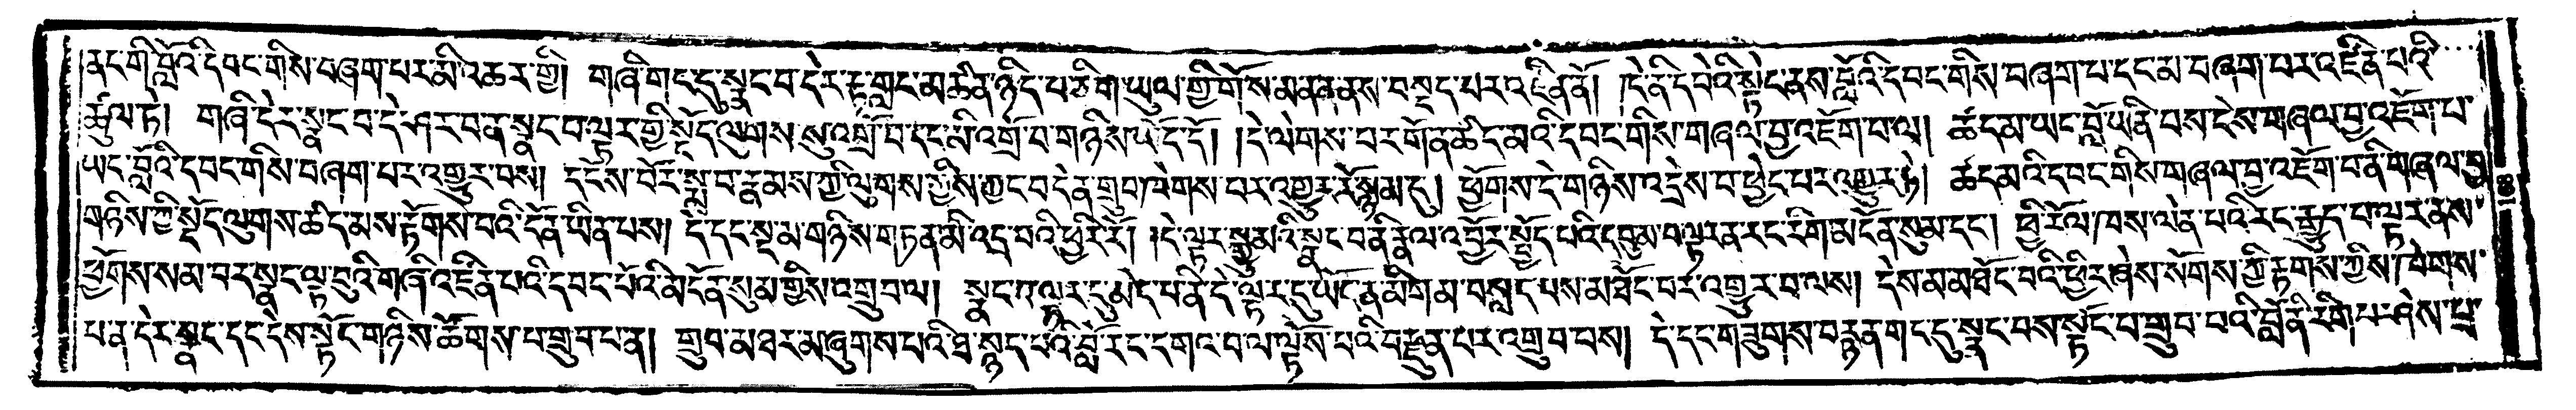ནང་གི་བློའི་དབང་གིས་བཞག་པར་མི་འཆར་གྱི། གཞི་གང་དུ་སྣང་བ་དེར་རྟ་གླང་མཚན་ཉིད་པ་ཅིག་ཡུལ་གྱི་གོ་ས་མནན་ནས་བསྡད་པར་འཛིན་ནོ། །དེ་ནི་དཔེའི་སྟེང་ནས་བློའི་དབང་གིས་བཞག་པ་དང་མ་བཞག་པར་འཛིན་པའི་
ཚུལ་ཏེ། གཞི་དེར་སྣང་བ་དེ་ཤར་བ་ན་སྣང་བ་ལྟར་གྱི་སྡོད་ལུགས་སུ་འགྲོ་བ་དང་མི་འགྲོ་བ་གཉིས་ཡོད་དོ། །དེ་ལེགས་པར་གོ་ན་ཚད་མའི་དབང་གིས་གཞལ་བྱ་འཇོག་པ་ལ། ཚད་མ་ཡང་བློ་ཡིན་པས་དེས་གཞལ་བྱ་འཇོག་པ་
ཡང་བློའི་དབང་གིས་བཞག་པར་འགྱུར་བས། དངོས་པོར་སྨྲ་བ་རྣམས་ཀྱི་ལུགས་ཀྱིས་ཀྱང་བདེན་གྲུབ་ཁེགས་པར་འགྱུར་རོ་སྙམ་དུ། ཕྱོགས་དེ་གཉིས་འདྲེས་པ་ཕྱེད་པར་འགྱུར་ཏེ། ཚད་མའི་དབང་གིས་གཞལ་བྱ་འཇོག་པ་ནི་གཞལ་བྱ་
གཉིས་ཀྱི་སྡོད་ལུགས་ཚད་མས་རྟོགས་པའི་དོན་ཡིན་པས། དེ་དང་སྔ་མ་གཉིས་གཏན་མི་འདྲ་བའི་ཕྱིར་རོ། །དེ་ལྟར་སྒྱུ་མའི་སྣང་བ་ནི་རྣལ་འབྱོར་སྤྱོད་པའི་དབུ་མ་པ་ལྟར་ན་རང་རིག་མངོན་སུམ་དང་། ཕྱི་རོལ་ཁས་ལེན་པའི་རང་རྒྱུད་པ་ལྟར་ན་ས་
ཕྱོགས་སམ་བར་སྣང་ལྟ་བུའི་གཞི་འཛིན་པའི་དབང་པོའི་མངོན་སུམ་གྱིས་འགྲུབ་ལ། སྣང་བ་ལྟར་དུ་མེད་པ་ནི་དེ་ལྟར་དུ་ཡོད་ན་མིག་མ་བསླད་པས་མཐོང་བར་འགྱུར་བ་ལས། དེས་མ་མཐོང་བའི་ཕྱིར་ཞེས་སོགས་ཀྱི་རྟགས་ཀྱིས་ཁེགས་
པ་ན་དེར་སྣང་དང་དེས་སྟོང་གཉིས་ཚོགས་པ་གྲུབ་པ་ན། གྲུབ་མཐར་མ་ཞུགས་པའི་ཐ་སྙད་པའི་བློ་རང་དགའ་བ་ལ་ལྟོས་པའི་བརྫུན་པར་འགྲུབ་པས། དེ་དང་གཟུགས་བརྙན་གང་དུ་སྣང་བས་སྟོང་པ་གྲུབ་པའི་བློ་ནི་རིགས་ཤེས་ཕྲ་